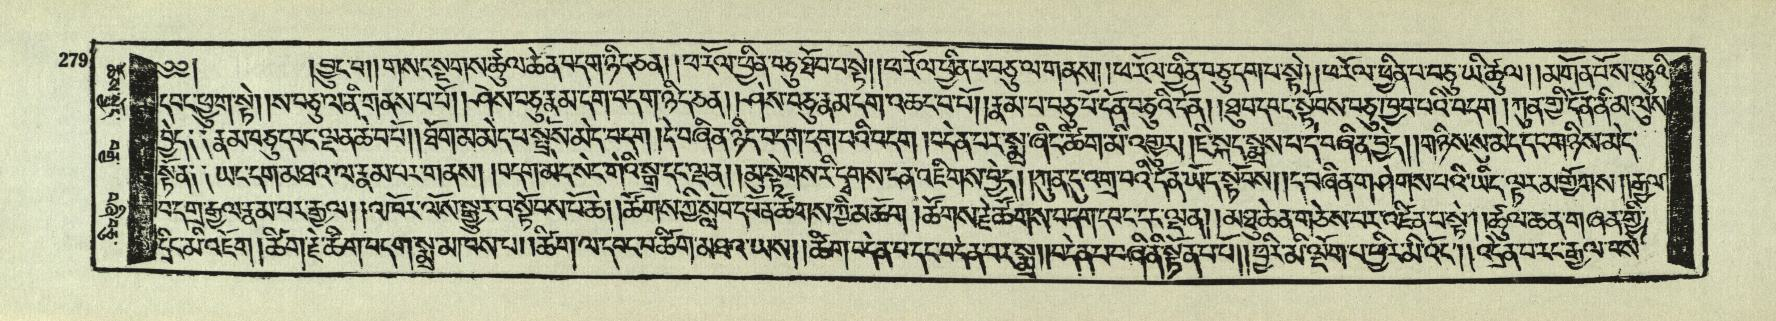༄༅། །བྱུང་བ། །གསང་སྔགས་ཚུལ་ཆེན་བདག་ཉིད་ཅན། །ཕ་རོལ་ཕྱིན་བཅུ་ཐོབ་པ་སྟེ། །ཕ་རོལ་ཕྱིན་པ་བཅུ་ལ་གནས། །ཕ་རོལ་ཕྱིན་བཅུ་དག་པ་སྟེ། །ཕ་རོལ་ཕྱིན་པ་བཅུ་ཡི་ཚུལ། །མགོན་པོ་ས་བཅུའི་
དབང་ཕྱུག་སྟེ། །ས་བཅུ་ལ་ནི་གནས་པ་པོ། །ཤེས་བཅུ་རྣམ་དག་བདག་ཉིད་ཅན། །ཤེས་བཅུ་རྣམ་དག་འཆང་བ་པོ། །རྣམ་པ་བཅུ་པོ་དོན་བཅུའི་དོན། །ཐུབ་དབང་སྟོབས་བཅུ་ཁྱབ་པའི་བདག །ཀུན་གྱི་དོན་ནི་མ་ལུས་
བྱེད༑ ༑རྣམ་བཅུ་དབང་ལྡན་ཆེ་བ་པོ། །ཐོག་མ་མེད་པ་སྤྲོས་མེད་བདག །དེ་བཞིན་ཉིད་བདག་དག་པའི་བདག །བདེན་པར་སྨྲ་ཞིང་མི་འགྱུར། །ཇི་སྐད་སྨྲས་པ་དེ་བཞིན་བྱེད། །གཉིས་སུ་མེད་དང་གཉིས་མེད་
སྟོན༑ ༑ཡང་དག་མཐའ་ལ་རྣམ་པར་གནས། །བདག་མེད་སེང་གེའི་སྒྲ་དང་ལྡན། །མུ་སྟེགས་རི་དྭགས་ངན་འཇིགས་བྱེད། །ཀུན་དུ་འགྲ་བའི་དོན་ཡོད་སྟོབས། །དེ་བཞིན་གཤེགས་པའི་ཡིད་ལྟར་མགྱོགས། །རྒྱལ་
བ་དགྲ་རྒྱལ་རྣམ་པར་རྒྱལ། །འཁོར་ལོས་སྒྱུར་བ་སྟོབས་པོ་ཆེ། །ཚོགས་ཀྱི་སློབ་དཔོན་ཚོགས་ཀྱི་མཆོག། །ཚོགས་རྗེ་ཚོགས་བདག་དབང་དང་ལྡན། །མཐུ་ཆེན་གཅེས་པར་འཛིན་པ་སྟེ། །ཚུལ་ཆེན་གཞན་གྱི་
དྲིང་མི་འཇོག །ཚིག་རྗེ་ཚིག་བདག་སྨྲ་མཁས་པ། །ཚིག་ལ་དབང་བ་ཚིག་མཐའ་ཡས། །ཚིག་བདེན་པ་དང་བདེན་པར་སྨྲ། །བདེན་པ་བཞི་ནི་སྟོན་པ་པོ། །ཕྱིར་མི་ལྡོག་པ་ཕྱིར་མི་འོང་། །འདྲེན་པ་རང་རྒྱལ་བ་སེ་